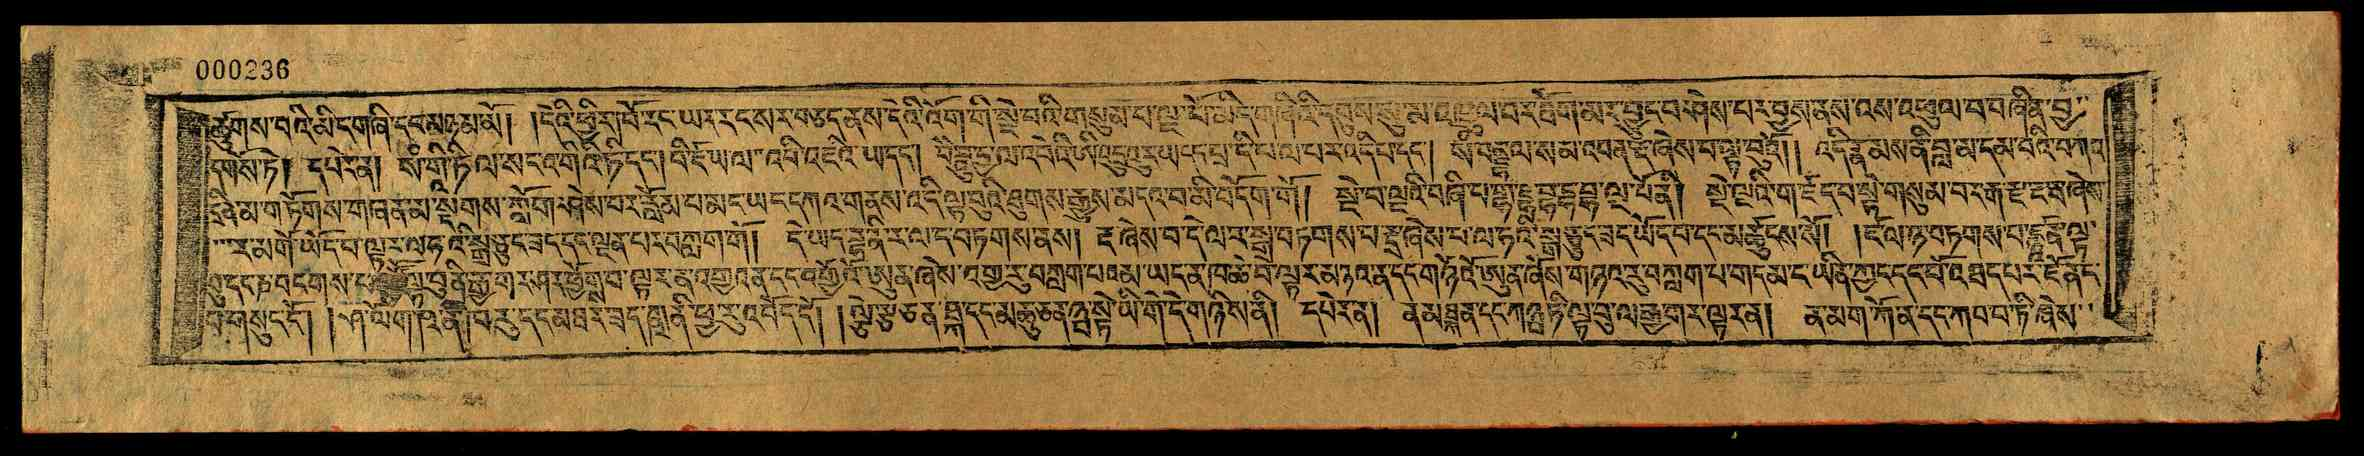ཚུགས་པའི་མིང་གཞི་དང་མཉམ་མོ། །དེའི་ཕྱིར་ཁོ་རང་ཡང་རང་སང་བཅད་ནས་དེའི་འོག་གི་སྡེ་པའི་གསུམ་པ་ལྔ་པོ་མིང་གཞིའི་དབུས་སུ་མ་འཁྲུལ་བར་ཐོག་མར་བྱུང་བ་ཤེས་པར་བྱས་ནས་འས་འཕུལ་བ་བཞིན་བྱ་
དགོས་ཏེ། དཔེར་ན། སཾ་གཱི་ཏི་ལ་སང་འགིའི་ཏི་དང་། བི་ཛ་ཡ་ལ་འབེའི་འཛའ་ཡ་དང་། བཻ་ཌཱུ་དྱ་ལ་འབེའི་ཨི་འདྲུ་འུར་ཡ་དང་པྲ་དི་པ་ལ་པར་འདི་པ་དང་། སཾ་བནྡྷ་ལ་སམ་འབན་རྡ་ཞེས་པ་ལྟ་བུའོ། །འདི་རྣམས་ནི་བླ་མ་དམ་པའི་བཀའ་
དྲིན་མ་གཏོགས་གཞན་མ་སྡེགས་ཀློག་ཤེས་པར་རློམ་པ་མང་ཡང་དཀའ་གནས་འདི་ལྟ་བུའི་ཐུགས་རྒྱུས་མངའ་བ་མི་བདོག་གོ། །སྡེ་པ་ལྔའི་བཞི་པ་གྷ་ཇྷ་ཌཿཨ་ངྷ་བྷ་ལྔ་པོ་ནི། སྡེ་ལྔའི་ག་ཛ་ད་བ་སྟེ་གསུམ་པར་རྒ་རྫ་རྡ་རྦ་ཞེས་
་་་ར་མགོ་ཡོད་པ་ལྟར་ལ་ཧའི་སྒྲ་ཅུང་ཟད་དང་ལྡན་པར་བཀླག་གོ། །དེ་ཡང་དྷ་ནི་ར་ལ་ད་བཏགས་ནས། རྡ་ཞེས་པ་དེ་ལ་ར་སྒྲ་བཏགས་པ་རྡུ་ཞེས་པ་ལ་ཧའི་སྒྲ་ཅུང་ཟད་ཡོད་པ་དང་མཚུངས་སོ། །ཛ་ལ་ཉ་བཏགས་པ་ཛྙཱ་ན་ལྟ་
བུ་དང་ཎ་བདགས་པ་ཛྞཽ་ལྟ་བུ་ནི་རྒྱ་གར་ཤར་ཕྱོགས་པ་ལྟར་ན་འགྱའ་ན་དང་འགྱོའོ་ཨུན་ཞེས་འགྱ་རུ་བཀླག་པའམ་ཡང་ན་ཁ་ཆེ་པ་ལྟར་མཉའ་ན་དང་གཉོའོ་ཨུན་ཞེས་གཉའ་དུ་བཀླག་པ་གདམ་ང་ཡིན་ཀྱང་དང་པོ་འཐད་པར་ཛོ་ནང་
པ་གསུང་ངོ། །ཤ་ལོ་ག་ཥ་ནི་ཁ་རུ་དང་མཐར་ཟད་ཀྵ་ནི་ཁྱ་རུ་འབོད་དོ། །ལྕེ་རྩ་ཅན་ཐྐ་དང་མཆུ་ཅན་ལྔ་སྟེ་ཡི་གེ་དེ་གཉིས་ནི། དཔེར་ན་།ན་མ་ཐྐ་ན་དང་ཀཉྤ་ཏི་ལྟ་བུ་ལ་རྒྱ་གར་ལྟར་ན། ན་མག་ཀ་ན་དང་ཀ་བ་བ་ཏི་ཞེས་